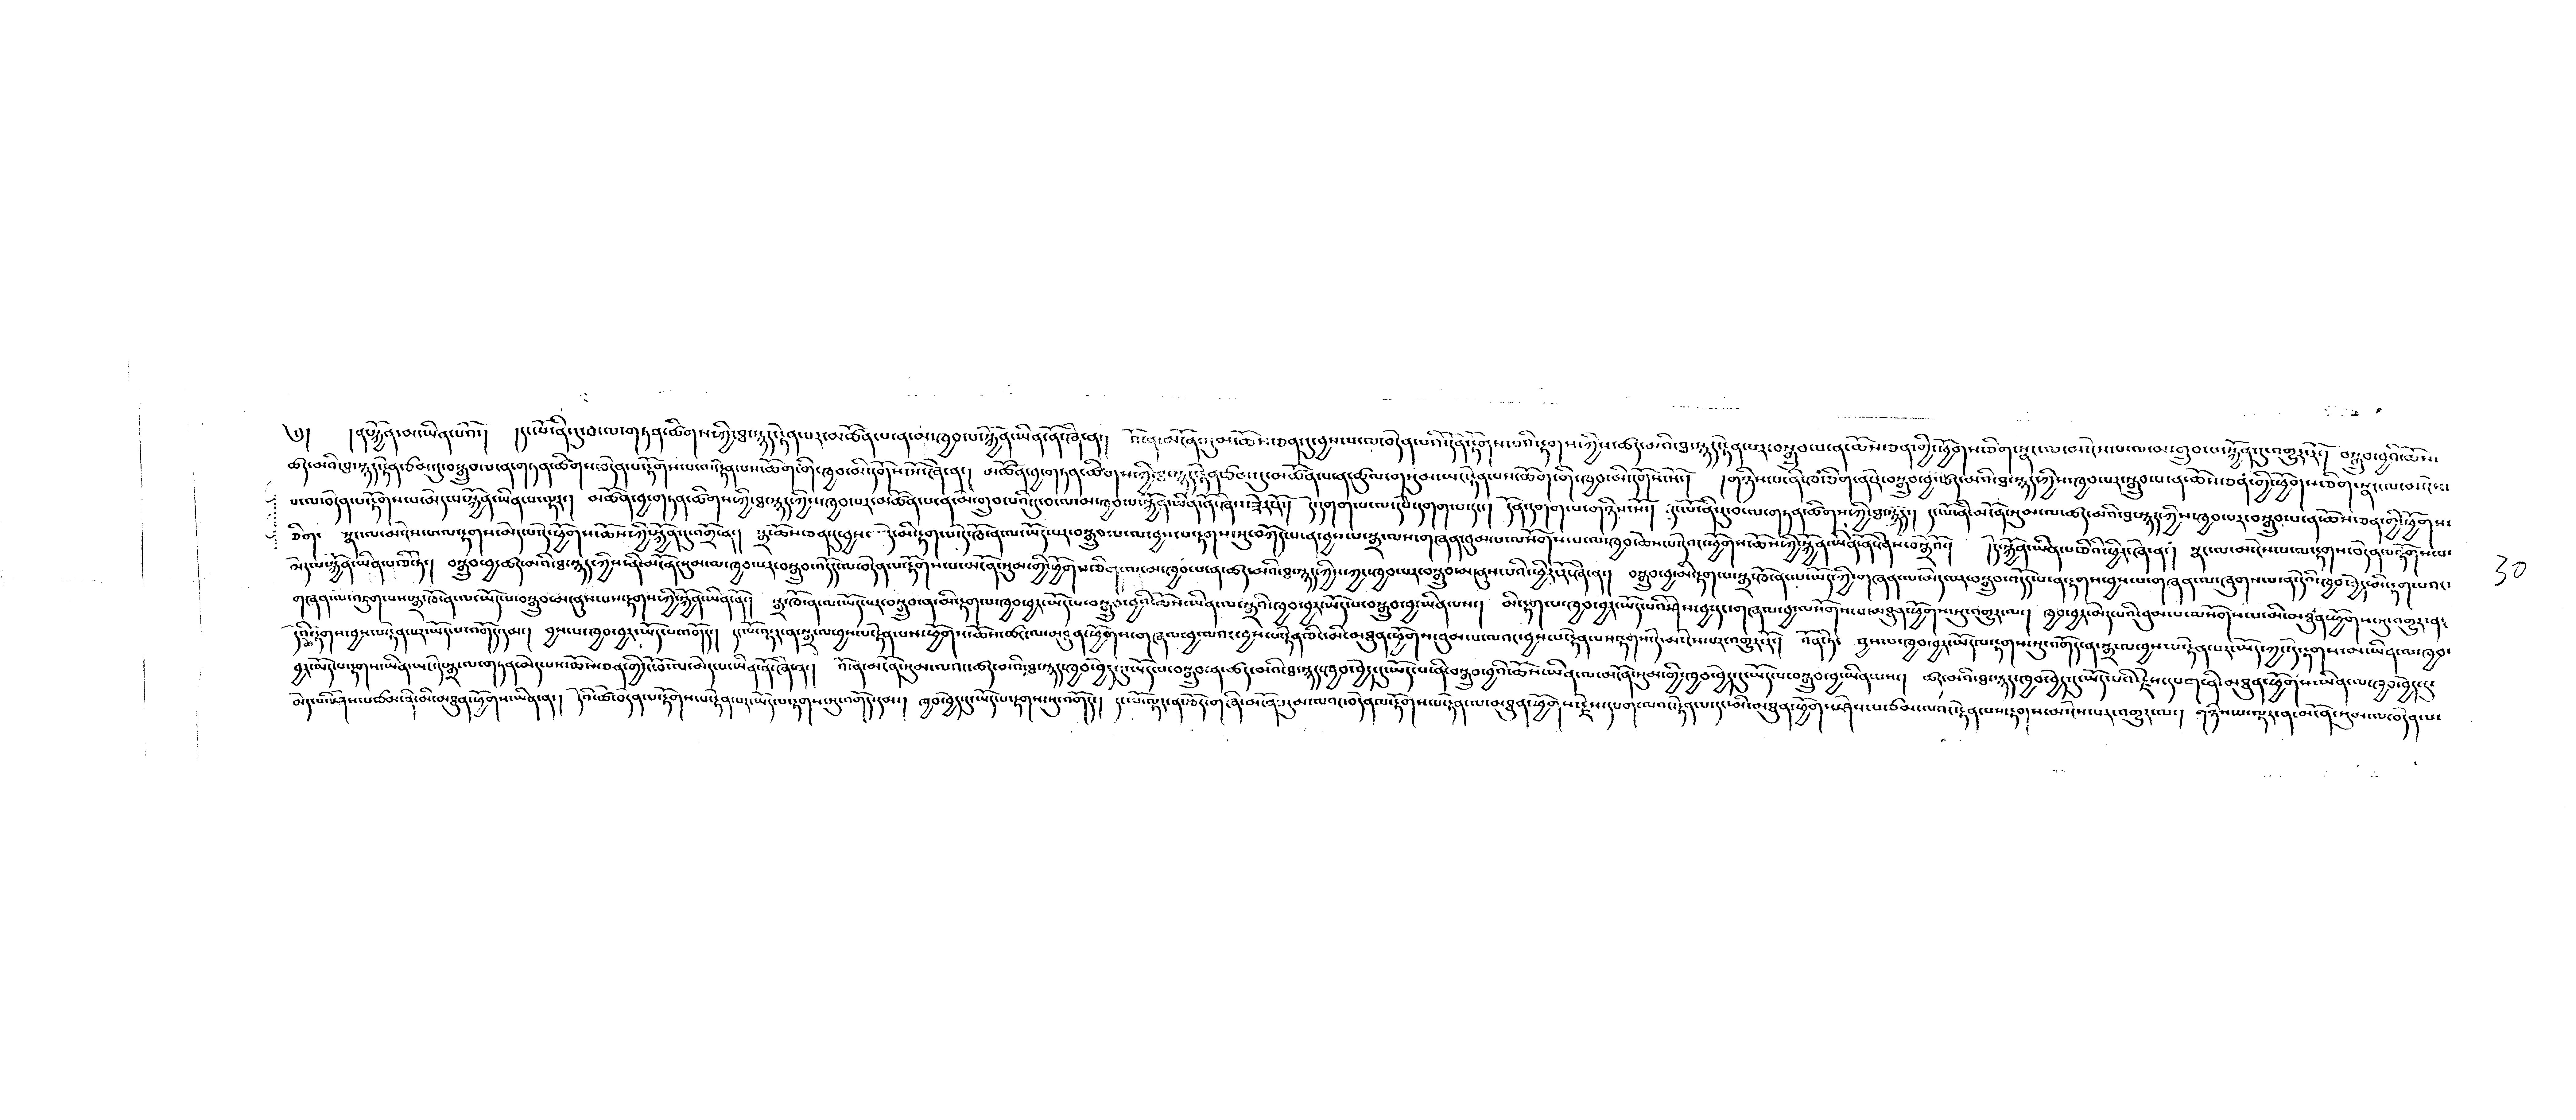༈། །ན་སྐྱོན་མ་ཡིན་པའོ། །དང་པོ་ནི་དུ་བ་ལ་གཏན་ཚིགས་ཀྱི་ཐ་སྙད་རྟེན་པར་མཚོན་པ་ན་མ་ཁྱབ་པ་སྐྱོན་ཡིན་ནོ་ཞེ་ན། འོ་ན་མངོན་སུམ་ཆོས་ཅན་དུ་བྱས་པ་ལ་བདེན་པའི་དོན་རྟོགས་པའི་རྟགས་ཀྱིས་ཚད་མའི་ཐ་སྙད་རྟེན་པར་བསྒྲུབ་པ་ན་ཆོས་ཅན་གྱི་ཕྱོགས་ཅིག་སྣང་ལ་མ་ངེས་པ་ལ་མ་གྲུབ་པ་སྐྱོན་དུ་འགྱུར་རོ། བསྒྲུབ་བྱའི་ཆོས་
ཚད་མའི་ཐ་སྙད་རྟེན་ཙམ་དུ་བསྒྲུབ་པ་ན་གཏན་ཚིགས་བདེན་པ་རྟོགས་པ་མ་རྟེན་པས་ཆོག་གི་ཁྱབ་མི་དགོས་སོ་ཞེ་ན། མཚོན་བྱ་གཏན་ཚིགས་ཀྱི་ཐ་སྙད་རྟེན་ཙམ་དུ་མཚོན་པ་ན་ཚུལ་གསུམ་ཡང་རྟེན་པས་ཆོག་གི་ཁྱབ་མི་དགོས་སོ། །གཉིས་པ་ནི་ཁ་ཅིག་ན་རེ་བསྒྲུབ་བྱ་ཚད་མའི་ཐ་སྙད་ཀྱིས་ཁྱབ་པར་སྒྲུབ་པ་ན་ཆོས་ཅན་གྱི་ཕྱོགས་ཅིག་སྣང་པ་མ་ངེས་
པ་ལ་བདེན་པ་རྟོགས་པ་མེད་པ་སྐྱོན་ཡིན་པ་ལྟར། མཚོན་བྱ་གཏན་ཚིགས་ཀྱི་ཐ་སྙད་ཀྱིས་ཁྱབ་པར་མཚོན་པ་ན་མེ་གྲུབ་པའི་དུ་བ་ལ་མ་ཁྱབ་པ་སྐྱོན་ཡིན་ནོ་ཞེས་ཟེར་རོ། དེ་དགག་པ་ལ་དཔེ་དགག་པ་དང་། དོན་དགག་པ་གཉིས་སོ། དང་པོ་ནི་དུ་བ་ལ་གཏན་ཚིགས་ཀྱི་ཐ་སྙད། དང་པོ་ནི་མངོན་སུམ་ལ་ཚད་མའི་ཐ་སྙད་ཀྱིས་ཁྱབ་པར་བསྒྲུབ་པ་ན་ཆོས་ཅན་གྱི་ཕྱོགས་
ཅིག་སྣང་ལ་མ་ངེས་པ་ལ་རྟགས་མེད་པ་དེ་ཕྱོགས་ཆོས་ཀྱི་སྐྱོན་དུ་འགྲོ་ན། སྒྲ་ཆོས་ཅན་དུ་བྱས་དེ་མི་རྟག་པ་དེ་ཁོ་ན་ལ་ཡོད་པར་བསྒྲུབ་པ་ལ་བྱས་པ་རྟགས་སུ་བཀོད་པ་ན་བྱས་པ་སྒྲ་ལས་གཞན་བུམ་པ་ལ་སོགས་པ་ལ་ཁྱབ་ཆེས་པ་དེའང་ཕྱོགས་ཆོས་ཀྱི་སྐྱོན་ཡིན་ནོ་ཞེས་བསྒྲེའོ། །དེ་སྐྱོན་ཡིན་པ་ཅིའི་ཕྱིར་ཞེ་ན། སྣང་ལ་མ་ངེས་པ་ལ་རྟགས་བདེན་པ་རྟོགས་པ་
མེད་པ་སྐྱོན་ཡིན་པ་ཅི་སྟེ། བསྒྲུབ་བྱ་ཚད་མའི་ཐ་སྙད་ཀྱིས་ནི་མངོན་སུམ་མ་ཁྱབ་པར་བསྒྲུབ་འདོད་ལ་བདེན་པ་རྟོགས་པ་མངོན་སུམ་གྱི་ཕྱོགས་ཅིག་ལ་མ་ཁྱབ་པ་ན་ཚད་མའི་ཐ་སྙད་ཀྱིས་ཀྱང་ཁྱབ་པར་བསྒྲུབ་མ་ནུས་པའི་ཕྱིར་རོ་ཞེ་ན། བསྒྲུབ་བྱ་མི་རྟག་པ་སྒྲ་ཁོ་ན་ལ་ཡོད་ཀྱི་གཞན་ལ་མེད་པར་བསྒྲུབ་འདོད་པ་ན་རྟགས་བྱས་པ་གཞན་ལ་ཞུགས་པ་ན་དེའི་ཁྱབ་བྱེད་མི་རྟག་པའང་
གཞན་ལ་འཇུག་པས་སྒྲ་ཁོ་ན་ལ་ཡོད་པ་བསྒྲུབ་མ་ནུས་པས་རྟགས་ཀྱི་སྐྱོན་ཡིན་ནོ། སྒྲ་ཁོ་ན་ལ་ཡོད་པར་བསྒྲུབ་ན་མི་རྟག་པ་ཁྱབ་བྱར་ཡོད་པ་བསྒྲུབ་བྱའི་ཆོས་ཡིན་ལ་སྒྲའི་ཁྱབ་བྱར་ཡོད་པ་བསྒྲུབ་བྱ་ཡིན་ལས། མི་རྟག་པ་ཁྱབ་བྱར་ཡོད་པའི་ཤེས་བྱ་དང་གཞལ་བྱ་ལ་སོགས་པ་མཐུན་ཕྱོགས་སུ་འགྱུར་ལ། ཁྱབ་བྱར་མེད་པའི་བུམ་པ་ལ་སོགས་པ་མི་མཐུན་ཕྱོགས་སུ་འགྱུར་ན་
དེའི་ཚེ་རྟགས་བྱས་པ་རྟེན་པར་ཡོད་པ་འགོད་དམ། བྱས་པ་ཁྱབ་བྱར་ཡོད་པ་འགོད། དང་པོ་ལྟར་ན་སྒྲ་ལ་བྱས་པ་རྟེན་པས་ཕྱོགས་ཆོས་ཚང་ལ་མཐུན་ཕྱོགས་གཞལ་བྱ་ལའང་བྱས་པ་རྟེན་ཅིང་མི་མཐུན་ཕྱོགས་བུམ་པ་ལའང་བྱས་པ་རྟེན་པས་རྟགས་དེ་མ་ངེས་པར་འགྱུར་རོ། འོན་ཏེ། བྱས་པ་ཁྱབ་བྱར་ཡོད་པ་རྟགས་སུ་འགོད་ན་སྒྲ་ལ་བྱས་པ་རྟེན་པར་ཡོད་ཀྱང་དེ་རྟགས་མ་ཡིན་ལ་ཁྱབ་
བྱར་ཡོད་པ་རྟགས་ཡིན་ཡང་དེ་སྒྲ་ལ་གཏན་མེད་པས་ཆོས་ཅན་གྱི་ངོ་བོ་ལ་མེད་པ་ཡིན་ནོ་ཞེ་ན། འོ་ན་མངོན་སུམ་ལའང་ཚད་མའི་ཐ་སྙད་ཁྱབ་བྱེད་དུ་ཡོད་པ་བསྒྲུབ་ན་ཚད་མའི་ཐ་སྙད་ཁྱབ་བྱེད་དུ་ཡོད་པ་ནི་བསྒྲུབ་བྱའི་ཆོས་ཡིན་ལ་མངོན་སུམ་གྱི་ཁྱབ་བྱེད་དུ་ཡོད་པ་བསྒྲུབ་བྱ་ཡིན་པས། ཚད་མའི་ཐ་སྙད་ཁྱབ་བྱེད་དུ་ཡོད་པའི་རྗེས་དཔག་ནི་མཐུན་ཕྱོགས་ཡིན་ལ་ཁྱབ་བྱེད་དུ་
མེད་པའི་ཤེས་པ་ཙམ་ནི་མི་མཐུན་ཕྱོགས་ཡིན་ན། དེའི་ཚེ་བདེན་པ་རྟོགས་པ་རྟེན་པར་ཡོད་པ་རྟགས་སུ་འགོད་དམ། ཁྱབ་བྱེད་དུ་ཡོད་པ་རྟགས་སུ་འགོད། དང་པོ་ལྟར་ན་རྩོར་གཞི་མངོན་སུམ་ལའང་བདེན་པ་རྟོགས་པ་རྟེན་ལ་མཐུན་ཕྱོགས་རྗེས་དཔག་ལའང་རྟེན་པ་དང་མི་མཐུན་ཕྱོགས་ཤེས་པ་ཙམ་ལའང་རྟེན་པས་རྟགས་མ་ངེས་པར་འགྱུར་ལ། གཉིས་པ་ལྟར་ན་མངོན་སུམ་ལ་བདེན་པ་